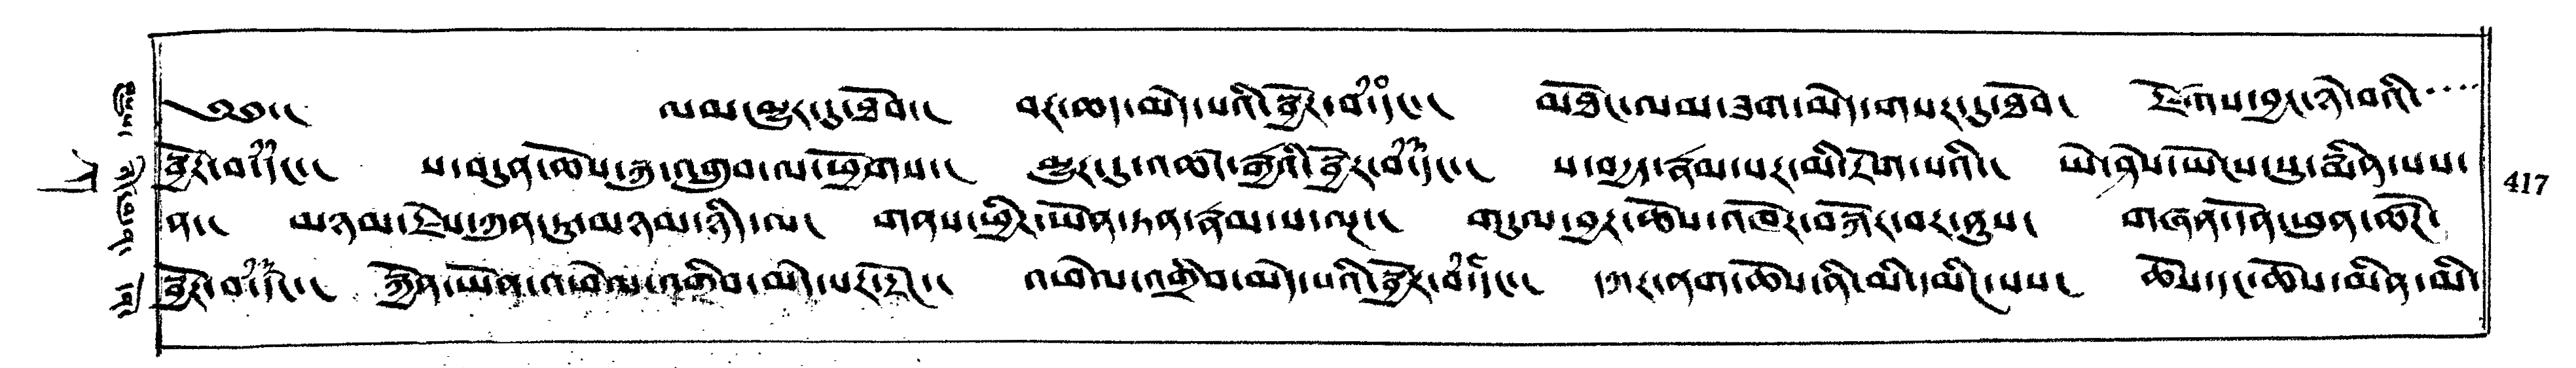ལམ་མྱུར་དུ་འཐོབ། །བར་ཆད་མེད་པའི་སྦྱོར་བ་དང་། །མཐོང་ལམ་ཟག་མེད་གསར་དུ་ཐོབ། །རྫོགས་བྱང་ཉེ་བའི་
སྦྱོར་བ་དང་། །ས་བདུན་ཆོས་སྐུ་འགྲུབ་ལ་ཕྱོགས། །མྱུར་དུ་འཚང་རྒྱའི་སྦྱོར་བ་དང་། །ས་བརྒྱད་རྣམ་པར་མི་རྟོག་པའི། །ཡེ་ཤེས་ཡོངས་སུ་སྨིན་པས་
ན། །མཉམ་རྗེས་ཀུན་ཏུ་མཉམ་ཉིད་ལ། །གནས་ཕྱིར་ཡོན་ཏན་རྣམ་པ་ལྔ། །གདུལ་བྱར་ཆོས་འཁོར་བསྐོར་བར་ནུས། །གཞན་དོན་ཕུན་ཚོགས་
སྦྱོར་བ་དང་། །སྐྱོན་ཡོན་འཕེལ་འགྲིབ་མེད་པར་རྟོགས། །འཕེལ་འགྲིབ་མེད་པའི་སྦྱོར་བ་དང་། །དཀར་ནག་ཆོས་ནི་མི་དམིགས་པས། །ཆོས་དང་ཆོས་མིན་མི་